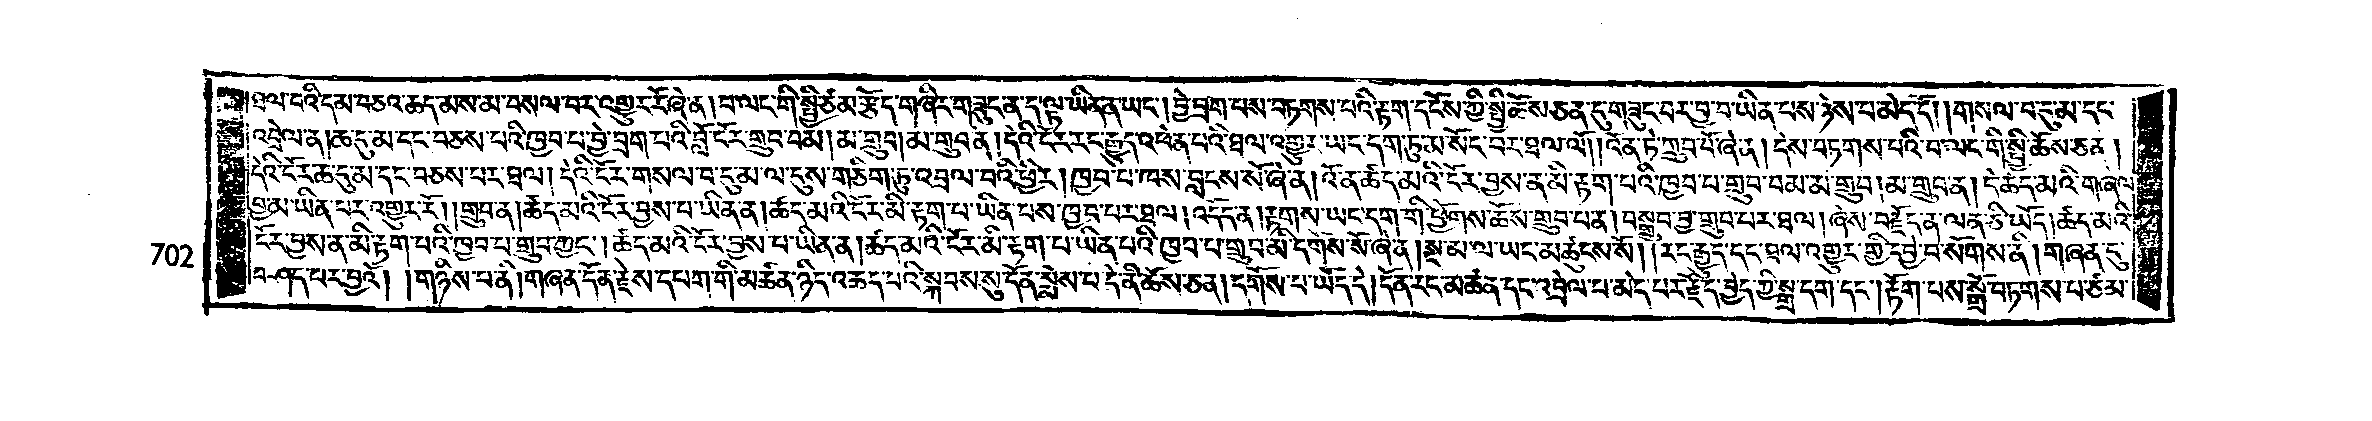ཐལ་བའི་དམ་བཅའ་ཚད་མས་མ་བསལ་བར་འགྱུར་རོ་ཞེ་ན། བ་ལང་གི་སྤྱི་ཙམ་རྩོད་གཞིར་གཟུང་ན་ད་ལྟ་ཡིན་ན་ཡང་། བྱེ་བྲག་པས་བཏགས་པའི་རྟག་དངོས་ཀྱི་སྤྱི་ཆོས་ཅན་དུ་གཟུང་བར་བྱ་བ་ཡིན་པས་ཉེས་པ་མེད་དོ། །གསལ་བ་དུ་མ་དང་
འབྲེལ་ན། ཆ་དུ་མ་དང་བཅས་པའི་ཁྱབ་པ་བྱེ་བྲག་པའི་བློ་ངོར་གྲུབ་བམ། མ་གྲུབ། མ་གྲུབ་ན། དེའི་ངོར་རང་རྒྱུད་འཕེན་པའི་ཐལ་འགྱུར་ཡང་དག་ཏུ་མ་སོང་བར་ཐལ་ལོ། །འོན་ཏེ་གྲུབ་?་བོ་ཞེ་ན། དེས་བཏགས་པའི་བ་ལང་གི་སྤྱི་ཆོས་ཅན།
དེའི་ངོར་?་ཆ་དུ་མ་དང་བཅས་པར་ཐལ། དེའི་ངོར་གསལ་བ་དུ་མ་ལ་དུས་གཅིག་ཏུ་འབྲལ་བའི་ཕྱིར། ཁྱབ་པ་ཁས་བླངས་སོ་ཞེ་ན། འོ་ན་ཆེད་མའི་ངོར་བྱས་ན་མི་རྟག་པའི་ཁྱབ་པ་གྲུབ་བམ་མ་གྲུབ། མ་གྲུབ་ན། དེ་ཚད་མའི་གཞལ་
བྱ་མ་ཡིན་པར་འགྱུར་རོ། །གྲུབ་?་ན། ཚད་མའི་ངོར་བྱས་པ་ཡིན་ན། ཚད་མའི་ངོར་མི་རྟག་པ་ཡིན་པས་ཁྱབ་པར་ཐལ། འདོད་ན། རྟགས་ཡང་དག་གི་ཕྱོགས་ཆོས་གྲུབ་པ་ན། བསྒྲུབ་བྱ་གྲུབ་པར་ཐལ། ཞེས་བརྗོད་ན་ལན་ཅི་ཡོད། ཚད་མའི་
ངོར་བྱས་ན་མི་རྟག་པའི་ཁྱབ་པ་གྲུབ་ཀྱང་། ཚད་མའི་དོར་བྱས་པ་ཡིན་ན། ཚད་མའི་དོར་བྱས་པ་ཡིན་ན། ཚད་མའི་ངོར་མི་རྟག་པ་ཡིན་པའི་ཁྱབ་པ་གྲུབ་མི་དགོས་སོ་ཞེ་ན། སྔ་མ་ལ་ཡང་མཚུངས་སོ། །རང་རྒྱུད་དང་ཐལ་འགྱུར་གྱི་དབྱེ་བ་སོགས་ནི། གཞན་དུ་
བཤད་པར་བྱའོ། །གཉིས་པ་ནི། གཞན་དོན་རྗེས་དཔག་གི་མཚན་ཉིད་འཚད་པའི་སྐབས་སུ་དོན་སྨྲོས་?་པ་དེ་ནི་ཆོས་ཅན། དགོས་པ་ཡོད་དེ། དོན་རང་མཚན་དང་འབྲེལ་པ་མེད་པར་རྗོད་བྱེད་ཀྱི་སྒྲ་དག་དང་། རྟོག་པས་སྒྲོ་བཏགས་པ་ཙམ་